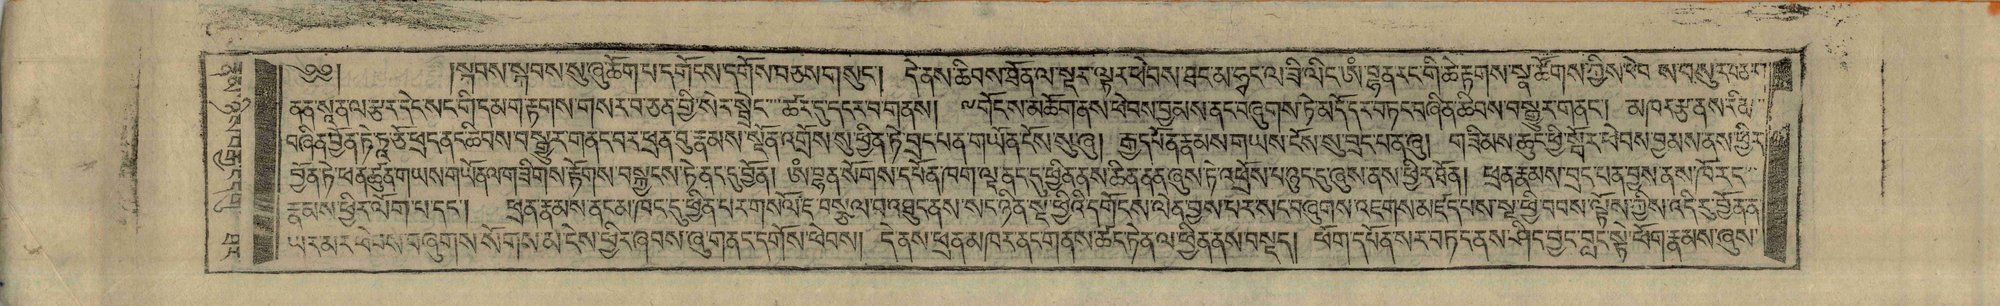༄༅། །སྐབས་སྐབས་སུ་ཞུ་ཆོག་པ་དགོངས་དགོས་བཅས་གསུང་། དེ་ནས་ཆིབས་ཐོན་ལ་སྔར་ལྟར་ཕེབས་ཐང་མ་ཧྭང་ལ་ཟི་ལིང་ཨཾ་བྷན་རང་གི་ཆེ་རྟགས་སྣ་ཚོགས་ཀྱིས་ཕེབས་བསུར་བཅར།
ནན་སཱན་ལ་རྩར་དེང་སང་གི་དམག་རྟགས་གསར་བ་ཅན་གྱི་སེར་སྦྲེང་ཚར་དུ་དངར་བ་གནས། ༧གོང་ས་མཆོག་ནས་ཕེབས་བྱམས་ནང་བཞུགས་ཏེ་མདོ་དར་བཏང་བཞིན་ཆིབས་བསྒྱུར་གནང་། མཁར་རྩ་ནས་རིམ་
བཞིན་བྱོན་ཏེ་ཏཱ་ཅོ་ཕྲང་ནང་ཆིབས་བསྒྱུར་གནང་བར་ཕྲན་བུ་རྣམས་སྔོན་འགྲོས་སུ་ཕྱིན་ཏེ་བྲང་པ་ན་གཡོན་ངོས་སུ་ཞུ། རྒྱ་དཔོན་རྣམས་གཡས་ངོས་སུ་བྲང་པན་ཞུ། གཟིམས་ཆུང་ཕྱི་སྒོར་ཕེབས་བྱམས་ནས་ཕྱིར་
བྱོན་ཏེ་ཕན་ཚུན་གཡས་གཡོན་ལ་གཟིགས་རྟོགས་བསྐྱངས་ཏེ་ནང་དུ་བྱོན། ཨཾ་བྷན་སོགས་དཔོན་ཁག་ལྔ་ནང་དུ་ཕྱིན་ནས་ཆིན་ནན་ཞུས་ཏེ་འཕྲོས་པ་ཉུང་དུ་ཞུས་ནས་ཕྱིར་ཐོན། ཕྲན་རྣམས་བྲང་པན་བྱས་ནས་ཁོ་རང་
རྣམས་ཕྱིར་ལོག་པ་དང་། ཕྲན་རྣམས་ནང་མ་ཁང་དུ་ཕྱིན་པར་གསོལ་ཇ་བསྩལ་བ་འཐུང་ནས་སང་ཉིན་སྔ་ཕྱིའི་དགོངས་ལེན་བྱས་པར་སང་བཞུགས་འཇགས་མཛད་པས་སྔ་ཕྱི་བབས་ལྟོས་ཀྱིས་འདིར་རུ་བྱོན་ན་
ཡར་མར་ཕེབས་བཞུགས་སོགས་མ་ངེས་ཕྱིར་ཞབས་ཞུ་གནང་དགོས་ཕེབས། དེ་ནས་ཕྲན་མཁར་ནང་གནས་ཚང་ཏེན་ལ་ཕྱིན་ནས་བསྡད། ཕོག་དཔོན་སར་བཏང་ནས་ཤིང་བྱང་བླང་སྟེ་ཕོག་རྣམས་ཞུས་